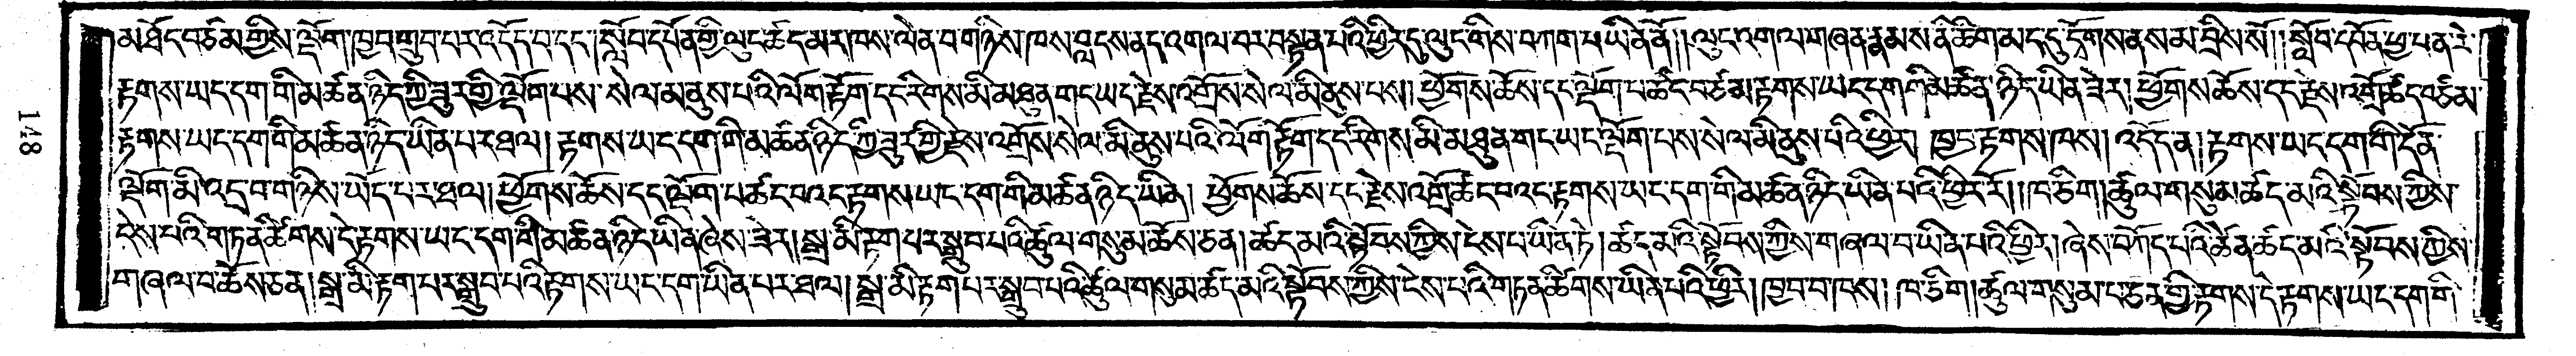མཐོང་བ་ཙམ་གྱིས་ལྡོག་ཁྱབ་གྲུབ་པར་འདོད་པ་དང་། སློབ་དཔོན་གྱི་ལུང་ཚད་མར་ཁས་ལེན་པ་གཉིས་ཁས་བླངས་ནང་འགལ་བར་བསྟན་པའི་ཕྱིར་དུ་ལུང་གིས་བཀག་པ་ཡིན་ནོ། །ལུང་འགལ་གཞན་རྣམས་ནི་ཚིག་མང་དུ་དྭོགས་ནས་མ་བྲིས་སོ། །སློབ་དཔོན་ཕྱ་པ་ན་རེ།
རྟགས་ཡང་དག་གི་མཚན་ཉིད་ཀྱི་ཟུར་གྱི་ལྡོག་པས། སེལ་མ་ནུས་པའི་ལོག་རྟོག་དང་རིགས་མི་མཐུན་གང་ཡང་རྗེས་འགྲོས་སེལ་མི་ནུས་པས། ཕྱོགས་ཆོས་དང་ལྡོག་པ་ཚང་བ་ཙམ་རྟགས་ཡང་དག་གི་མཚན་ཉིད་ཡིན་ཟེར། ཕྱོགས་ཆོས་དང་རྗེས་འགྲོ་ཚང་བ་ཙམ་
རྟགས་ཡང་དག་གི་མཚན་ཉིད་ཡིན་པར་ཐལ། རྟགས་ཡང་དག་གི་མཚན་ཉིད་ཀྱི་ཟུར་གྱི་རྗེས་འགྲོས་སེལ་མི་ནུས་པའི་ལོག་རྟོག་དང་རིགས་མི་མཐུན་གང་ཡང་ལྡོག་པས་སེལ་མི་ནུས་པའི་ཕྱིར། ཁྱབ་རྟགས་ཁས། འདོད་ན། རྟགས་ཡང་དག་གི་དོན་
ལྡོག་མ་འདྲ་བ་གཉིས་ཡོད་པར་ཐལ། ཕྱོགས་ཆོས་དང་ལྡོག་པ་ཚང་བའང་རྟགས་ཡང་དག་གི་མཚན་ཉིད་ཡིན། ཕྱོགས་ཆོས་དང་རྗེས་འགྲོ་ཚང་བའང་རྟགས་ཡང་དག་གི་མཚན་ཉིད་ཡིན་པའི་ཕྱིར་རོ། །ཁ་ཅིག །ཚུལ་གསུམ་ཚད་མའི་སྟོབས་ཀྱིས་
ངེས་པའི་གཏན་ཚིགས་དེ་རྟགས་ཡང་དག་གི་མཚན་ཉིད་ཡིན་ཞེས་ཟེར། སྒྲ་མི་རྟག་པར་སྒྲུབ་པའི་ཚུལ་གསུམ་ཆོས་ཅན། ཚད་མའི་སྟོབས་ཀྱིས་ངེས་པ་ཡིན་ཏེ། ཚད་མའི་སྟོབས་ཀྱིས་གཞལ་བ་ཡིན་པའི་ཕྱིར། ཞེས་བཀད་པའི་ཚོན་ཚད་མའི་སྟོབས་ཀྱིས་
གཞལ་བ་ཆོས་ཅན། སྒྲ་མི་རྟག་པར་སྒྲུབ་པའི་རྟགས་ཡང་དག་ཡིན་པར་ཐལ། སྒྲ་མི་རྟག་པར་སྒྲུབ་པའི་ཚུལ་གསུམ་ཚད་མའི་སྟོབས་ཀྱིས་ངེས་པའི་གཏན་ཚིགས་ཡིན་པའི་ཕྱིར། ཁྱབ་པ་ཁས། ཁ་ཅིག །ཚུལ་གསུམ་པ་ཅན་གྱི་རྟགས་དེ་རྟགས་ཡང་དག་གི་